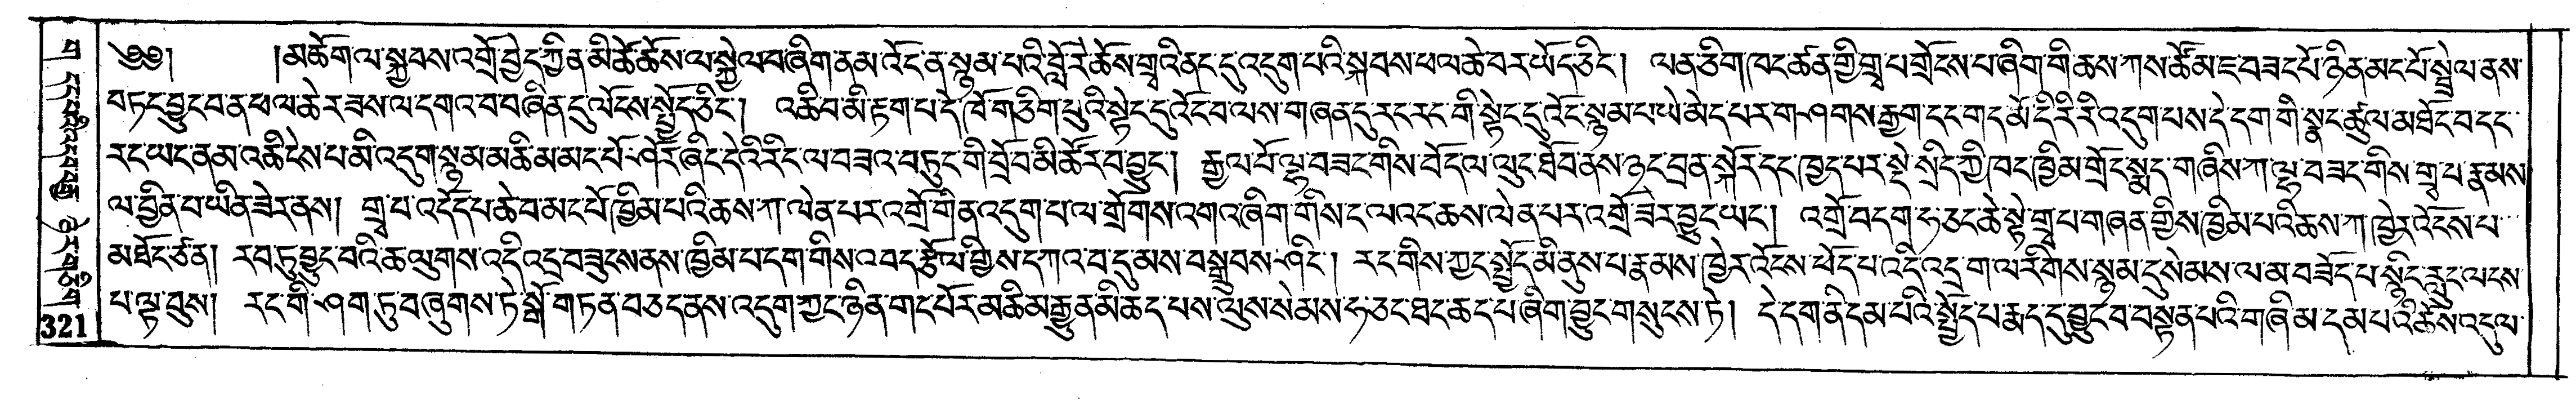༄༅། །མཆོག་ལ་སྐྱབས་འགྲོ་བྱེད་ཀྱིན་མི་ཚེ་ཆོས་ལ་སྐྱེལ་བ་ཞིག་ནམ་འོང་ན་སྙམ་པའི་བློ་རེ་ཆོས་གྲྭའི་ནང་དུ་འདུག་པའི་སྐབས་ཕལ་ཆེ་བར་ཡོད་ཅིང་། ལན་ཅིག་ཁང་ཚན་གྱི་གྲྭ་པ་གྲོངས་པ་ཞིག་གི་ཆས་ཀས་ཚོམ་ཇ་བཟང་པོ་ཉིན་མང་པོ་སྦྲེལ་ནས་
བཏང་བྱུང་བ་ན་ཕལ་ཆེར་ཟས་ལ་དགའ་བ་བཞིན་དུ་ལོངས་སྤྱོད་ཅིང་། འཆི་བ་མི་རྟག་པ་དེ་ཁོ་གཅིག་བུའི་སྟེང་དུ་འོང་བ་ལས་གཞན་དུ་རང་རང་གི་སྟེང་དུ་འོང་སྙམ་པ་ཡེ་མེད་པར་གཤགས་རྒྱག་དང་གད་མོ་དི་རི་རི་འདུག་པས་དེ་དག་གི་སྣང་ཚུལ་མཐོང་བ་དང་
རང་ཡང་ནམ་འཆི་ངེས་པ་མི་འདུག་སྙམ་མཆི་མ་མང་པོ་ཤོར་ཞིང་དེའི་རིང་ལ་བཟའ་བཏུང་གི་བྲོ་བ་མི་ཚོར་བ་བྱུང་། རྒྱལ་པོ་ལྷ་བཟང་གིས་བོད་ལ་ལུང་ཐོབ་ནས་ཉང་བྲན་སྐོར་དང་ཁྱད་པར་སྡེ་སྲིད་ཀྱི་ཁང་ཁྱིམ་གྲོང་སྨད་གཞིས་ཀ་ལྷ་བཟང་གིས་གྲྭ་པ་རྣམས་
ལ་བྱིན་པ་ཡིན་ཟེར་ནས། གྲྭ་པ་འདོད་པ་ཆེ་བ་མང་པོ་ཁྱིམ་པའི་ཆས་ཀ་ལེན་པར་འགྲོ་གིན་འདུག་པ་ལ་གྲོགས་འགའ་ཞིག་གིས་ང་ལའང་ཆས་ལེན་པར་འགྲོ་ཟེར་བྱུང་ཡང་། འགྲོ་བ་དག་ཧ་ཅང་ཆེ་སྟེ་གྲྭ་པ་གཞན་གྱིས་ཁྱིམ་པའི་ཆས་ཁ་ཁྱེར་འོངས་པ་
མཐོང་ཙན། རབ་ཏུ་བྱུང་བའི་ཆ་ལུགས་འདི་འདྲ་བཟུངས་ནས་ཁྱིམ་པ་དག་གིས་འབད་རྩོལ་གྱིས་དཀའ་བ་དུ་མས་བསྒྲུབས་ཤིང་། རང་གིས་ཀྱང་སྤྱོང་མི་ནུས་པ་རྣམས་ཁྱེར་འོངས་ཕོད་པ་འདི་འདྲ་ག་ལ་རིགས་སྙམ་དུ་སེམས་ལ་མ་བཟོད་པ་སྙིང་རླུང་ལངས་
པ་ལྟ་བུས། རང་གི་ཤག་ཏུ་བཞུགས་ཏེ་སྒོ་གཏན་བཅད་ནས་འདུག་ཀྱང་ཉིན་གང་པོར་འཆི་མ་རྒྱུན་མི་ཆད་པས་ལུས་སེམས་ཧ་ཅང་ཐང་ཆད་པ་ཞིག་བྱུང་གསུངས་ཏེ། དེ་དག་ནི་དམ་པའི་སྤྱོད་པ་རྨད་དུ་བྱུང་བ་བསྟན་པའི་གཞི་མ་དམ་པའི་ཆོས་འདུལ་